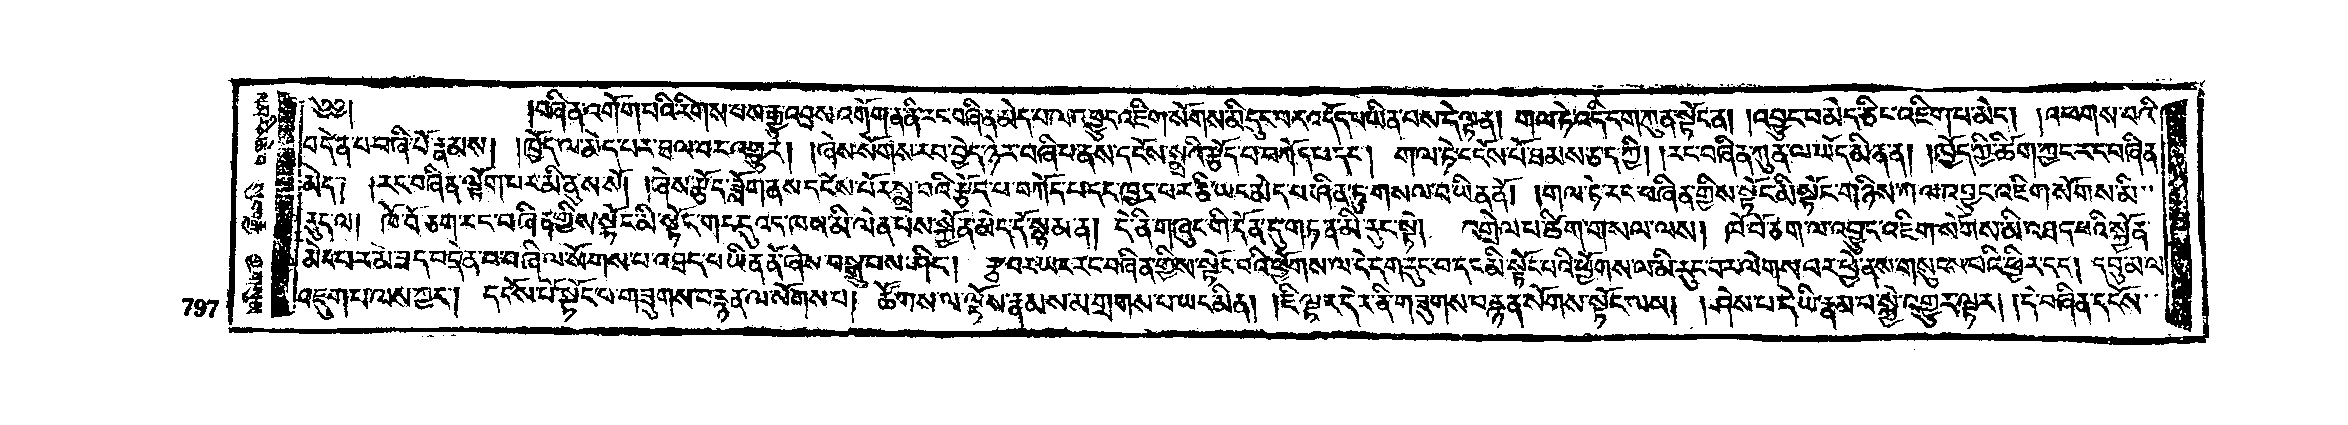༄༅། །བཞིན་འགོག་པའི་རིགས་པས་རྒྱུ་འབྲས་འགོག་ན་ནི་རང་བཞིན་མེད་པ་ལ་འབྱུང་འཇིག་སོགས་མི་རུང་བར་འདོད་པ་ཡིན་པས་དེ་ལྟ་ན། གལ་ཏེ་འདི་དག་ཀུན་སྟོང་ན། །འབྱུང་བ་མེད་ཅིང་འཇིག་པ་མེད། །འཕགས་པའི་
བདེན་པ་བཞི་པོ་རྣམས། །ཁྱོད་ལ་མེད་པར་ཐལ་བར་འགྱུར། །ཞེས་སོགས་རབ་བྱེད་ཉེར་བཞི་པ་ནས་དངོས་སྨྲའི་རྩོད་པ་བཀོད་པ་དང་། གལ་ཏེ་དངོས་པོ་ཐམས་ཅད་ཀྱི། །རང་བཞིན་ཀུན་ལ་ཡོད་མིན་ན། །ཁྱོད་ཀྱི་ཚིག་ཀྱང་རང་བཞིན་
མེད༑ ༑རང་བཞིན་ལྡོག་པར་མི་ནུས་སོ། །ཞེས་རྩོད་ཟློག་ནས་དངོས་པོར་སྨྲ་བའི་རྩོད་པ་བཀོད་པ་དང་ཁྱད་པར་ཅི་ཡང་མེད་པ་ཤིན་ཏུ་གསལ་བ་ཡིན་ནོ། །གལ་ཏེ་རང་བཞིན་གྱིས་སྟོང་མི་སྟོང་གཉིས་ཀ་ལ་འབྱུང་འཇིག་སོགས་མི་
རུང་ལ། ཁོ་བོ་ཅག་རང་བཞིན་གྱིས་སྟོང་མི་སྟོང་གང་དུའང་ཁས་མི་ལེན་པས་སྐྱོན་མེད་དོ་སྙམ་ན། དེ་ནི་གཞུང་གི་དོན་དུ་གཏན་མི་རུང་སྟེ། འགྲེལ་པ་ཚིག་གསལ་ལས། ཁོ་བོ་ཅག་ལ་འབྱུང་འཇིག་སོགས་མི་འཐད་པའི་སྐྱོན་
མེད་པར་མ་ཟད་བདེན་པ་བཞི་ལ་སོགས་པ་འཐད་པ་ཡིན་ནོ་ཞེས་བསྒྲུབས་ཤིང་། རྩ་བར་ཡང་རང་བཞིན་གྱིས་སྟོང་པའི་ཕྱོགས་ལ་དེ་དག་རུང་བ་དང་མི་སྟོང་པའི་ཕྱོགས་ལ་མི་རུང་བར་ལེགས་པར་ཕྱེ་ནས་གསུངས་པའི་ཕྱིར་དང་། དབུ་མ་ལ་
འཇུག་པ་ལས་ཀྱང་། དངོས་པོ་སྟོང་པ་གཟུགས་བརྙན་ལ་སོགས་པ། །ཚོགས་ལ་ལྟོས་རྣམས་མ་གྲགས་པ་ཡང་མིན། །ཇི་ལྟར་དེར་ནི་གཟུགས་བརྙན་སོགས་སྟོང་ལས། །ཤེས་པ་དེ་ཡི་རྣམ་པ་སྐྱེ་འགྱུར་ལྟར། །དེ་བཞིན་དངོས་